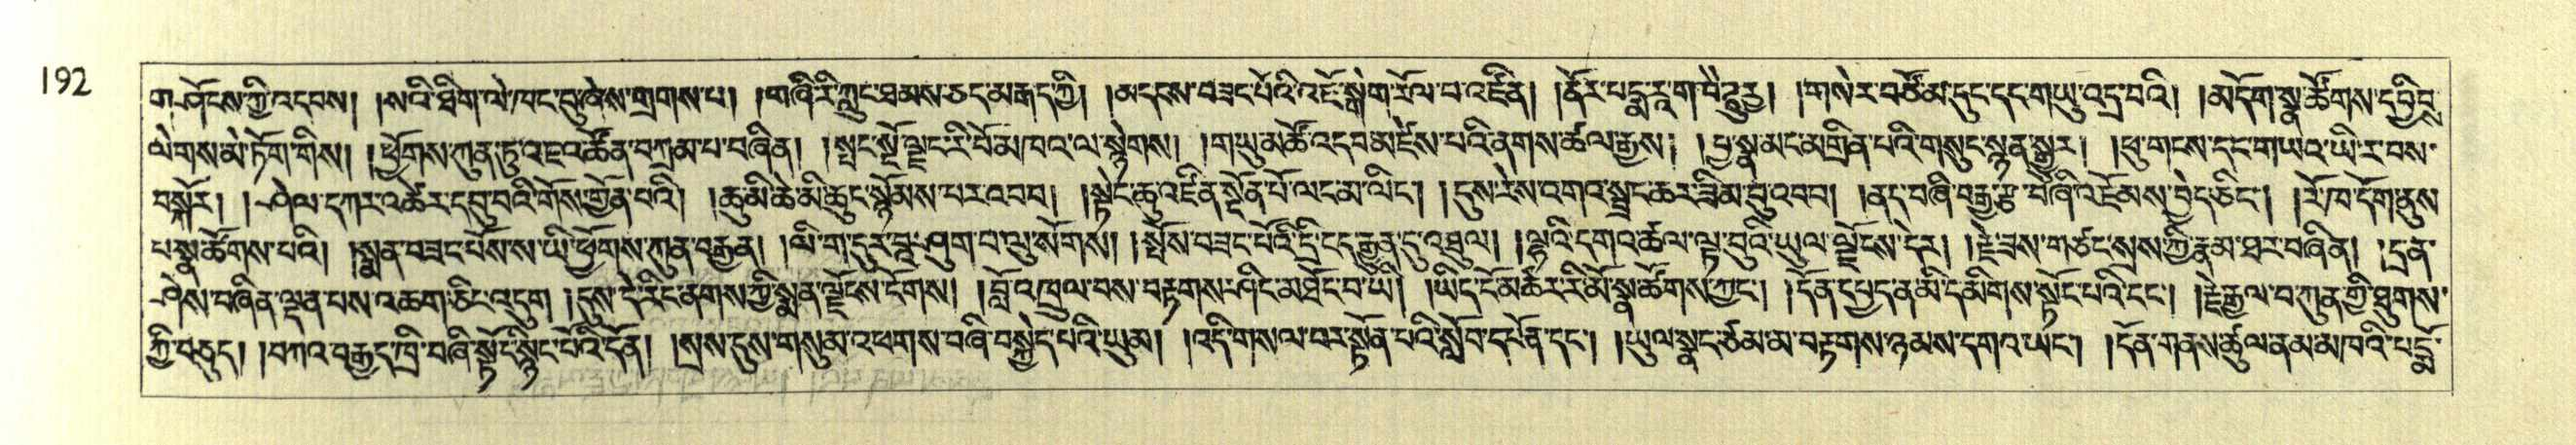གཤོངས་ཀྱི་འདབས། །སའི་ཐིག་ལེ་ཁང་བུ་ཞེས་གྲགས་པ། །གཞི་རི་ཀླུང་ཐམས་ཅད་མྲྒད་ཀྱི། །མདངས་བཟང་པོའི་འཇོ་སྒེག་རོལ་བ་འཛིན། །ནོར་པདམ་རཱ་ག་བཻཌཱུ་རྱ། །གསེར་བཙོམ་དུང་དང་གཡུ་འདྲ་བའི། །མདོག་སྣ་ཚོགས་དབྱིབས་
ལེགས་མེ་ཏོག་གིས། །ཕྱོགས་ཀུན་ཏུ་འཇའ་ཚོན་བཀྲམ་པ་བཞིན། །སྤང་སྔོ་ལྗང་རི་བོ་མཁའ་ལ་སྙེགས། །གཡུ་མཚོ་འདབ་མཛེས་པའི་ནགས་ཚལ་རྒྱས། །བྱ་སྣ་མང་མགྲིན་པའི་གསུང་སྙན་སྒྱུར། །ཕུ་གངས་དང་གཡའ་ཡི་ར་བས་
བསྐོར། །ཤེལ་དཀར་འཚེར་དབུ་བའི་གོས་གྱོན་པའི། །ཆུ་མི་ཆེ་མི་ཆུང་སྙོམས་པར་འབབ། །སྟེང་ཆུ་འཛིན་སྔོན་པོ་ལང་མ་ལིང་། །དུས་རེས་འགའ་སྦྲང་ཆར་ཟིམ་བུ་འབབ། །ནད་བཞི་བརྒྱ་རྩ་བཞི་འཇོམས་བྱེད་ཅིང་། །རོ་ཁ་དོག་ནུས་
པ་སྣ་ཚོགས་པའི། །སྨན་བཟང་པོས་ས་ཡི་ཕྱོགས་ཀུན་བརྒྱན། །ལི་ག་དུར་བཱ་ཤུག་བ་ལུ་སོགས། །སྤོས་བཟང་པོའི་དྲི་དང་རྒྱུན་དུ་འཐུལ། །ལྷའི་དགའ་ཚལ་ལྟ་བུའི་ཡུལ་ལྗོངས་དེར། །རྗེ་ཟས་གཙང་སྲས་ཀྱི་རྣམ་ཐར་བཞིན། །དྲན་
ཤེས་བཞིན་ལྡན་པས་འཆག་ཅིང་འདུག །དུས་དེ་རིང་ནགས་ཀྱི་སྨན་ལྗོངས་ངོགས། །བློ་འཁྲུལ་བས་བརྟགས་ཤིང་མཐོང་བ་ཡི། །ཡིད་ངོ་མཚར་རི་མོ་སྣ་ཚོགས་ཀྱང་། །དོན་དཔྱད་ན་མི་དམིགས་སྟོང་པའི་དང་། །རྗེ་རྒྱལ་བ་ཀུན་གི་ཐུགས་
ཀྱི་བཅུད། །བཀའ་བརྒྱད་ཁྲི་བཞི་སྟོང་སྙིང་པོའི་དོན། །སྲས་དུས་གསུམ་འཕགས་བཞི་བསྐྱེད་པའི་ཡུམ། །འདི་གསལ་བར་སྟོན་པའི་སློབ་དཔོན་དང་། །ཡུལ་སྣང་ཙམ་མ་བརྟགས་ཉམས་དགའ་ཡང་། །དོན་གནས་ཚུལ་ནམ་མཁའི་པདམོ་